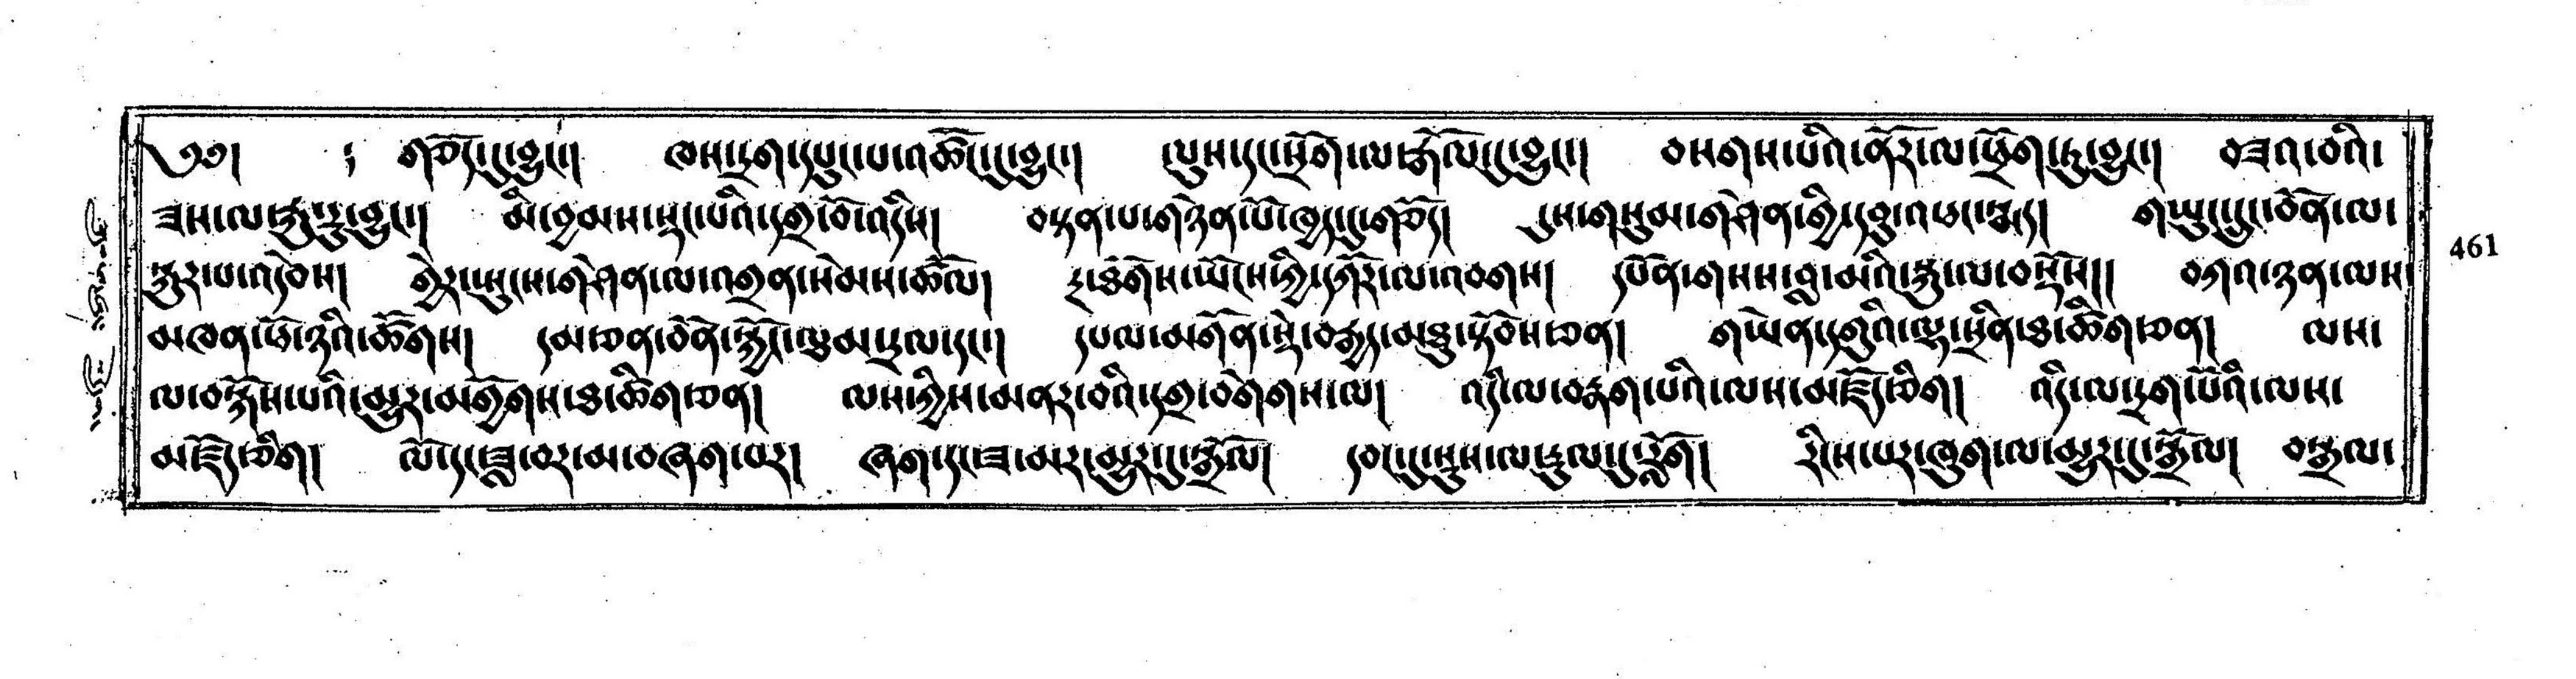གཅོད་དུ་བྱུང་། ཁས་དྲག་དཔུང་པ་འཚོང་དུ་བྱུང་། ལུས་དང་སྲོག་ལ་རྒོལ་དུ་བྱུང་། བསགས་པའི་ནོར་ལ་ཕྲོག་རུ་བྱུང་། བཟའ་བའི་
ཟས་ལ་རྐུ་རུ་བྱུང་། མི་བྱམས་སྡང་པའི་དགྲ་བོ་འདིས། བསྟན་པ་གཉེན་པོ་ཁྱད་དུ་གསོད། དུས་གསུམ་གཤེན་གྱི་དབུ་འཕང་སྨད། གཡུང་དྲུང་བོན་ལ་
སྐུར་པ་འདེབས། གྱེར་སྤུངས་གཤེན་ལ་འགྲན་སེམས་ཚོལ། རྔ་ཐོགས་ཡོངས་ཀྱི་དཀོར་ལ་འབགས། དཔོན་གསས་བླ་མའི་སྐུ་ལ་བསྡོས།། བཀའ་ཉན་ལས་
མཁན་ཕོ་ཉའི་ཚོགས། དམ་ཅན་བོན་སྐྱོང་ལྕམ་དྲལ་དང་། དཔལ་མགོན་སྡེ་བརྒྱད་མཐུ་སྟོབས་ཅན། གཡེན་དགུའི་ལྷ་སྲིན་ཐ་ཚིག་ཅན། ལས་
ལ་བསྐོས་པའི་མྱུར་མགྱོགས་ཐ་ཚིག་ཅན། {475}ལས་ཀྱིས་མནར་བའི་དགྲ་བགེགས་ལ། འདི་ལ་བརྣག་པའི་ལས་མཛོད་ཅིག འདི་ལ་དྲག་པོའི་ལས་
མཛོད་ཅིག ལོ་དང་ཟླ་བར་མ་བཞག་པར། ཞག་དང་ཟ་མར་མྱུར་དུ་སྒྲོལ། དབང་དུ་སྡུས་ལ་རྡུལ་དུ་རློག རིངས་པར་ཁུག་ལ་མྱུར་དུ་སྒྲོལ། བསྒྲལ་